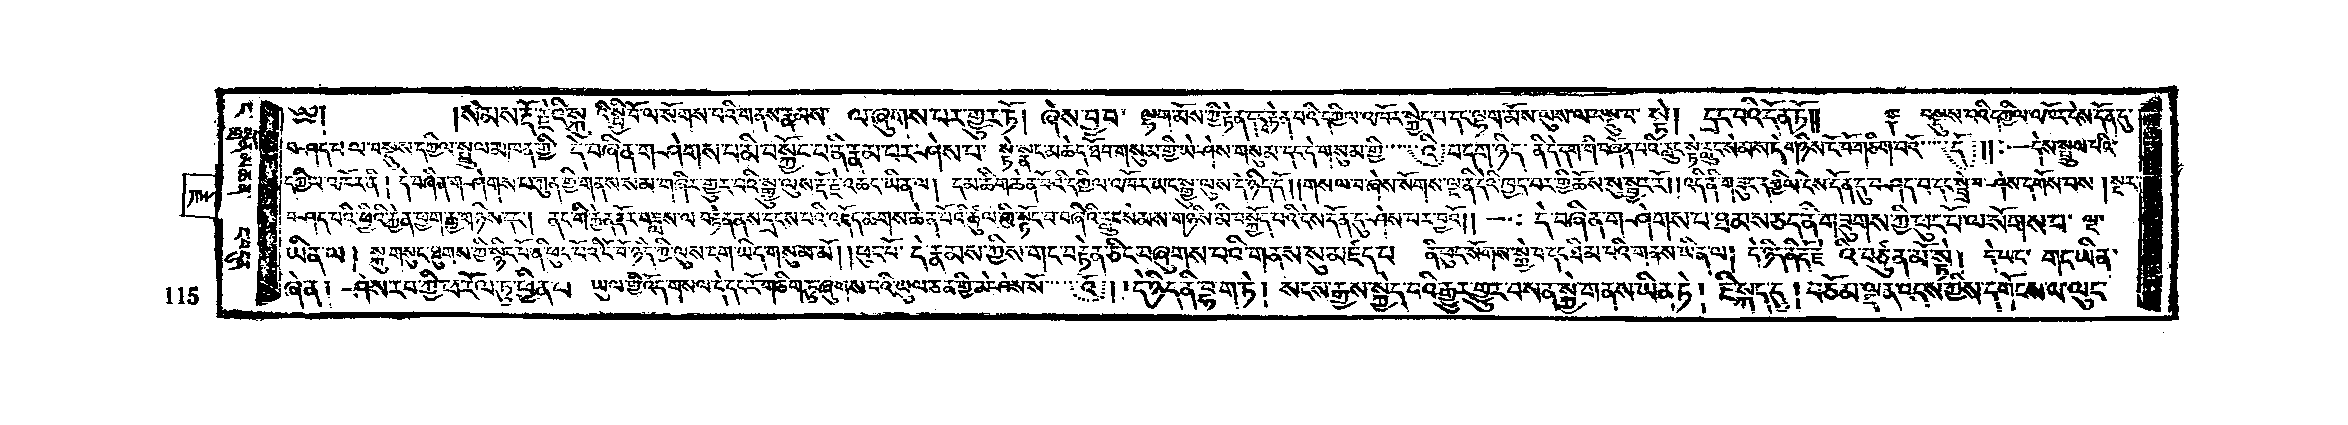༄༅། །སེམས་རྡོ་རྗེའི་སྐུའི་སྤྱི་བོ་ལ་སོགས་པའི་གནས་རྣམས་ལ་ཞུགས་པར་གྱུར་ཏོ། །ཞེས་བྱ་བ་ལྷག་མོས་ཀྱི་རྟེན་དང་བརྟེན་པའི་དཀྱིལ་འཁོར་སྐྱེད་པ་དང་ལྷག་མོས་ལུས་ལ་བསྡུ་བ་སྟེ། དྲང་བའི་དོན་ཏོ།། ༈ བསྡུས་པའི་དཀྱིལ་འཁོར་ངེས་དོན་དུ
བཤད་པ་ལ་བསྡུས་དཀྱིལ་སྤྲུལ་མཁན་གྱི། དེ་བཞིན་གཤེགས་པ་མི་བསྐྱོད་པ་ནི་རྣམ་པར་ཤེས་པ་སྟེ་སྣང་མཆེད་ཐོབ་གསུམ་གྱི་ཡེ་ཤེས་གསུམ་དང་དེ་གསུམ་གྱི་འི་བདག་ཉིད་ནི་དེ་དག་གི་བཞོན་པའི་རླུང་སྟེ་རླུང་སེམས་དེ་གཉིས་ངོ་བོ་གཅིག་པའོ་དོ།། དེས་སྤྲུལ་པའི་
དཀྱིལ་འཁོར་ནི། དེ་བཞིན་གཤེགས་པ་ཀུན་གྱི་གནས་སམ་གཞིར་གྱུར་པའི་སྒྱུ་ལུས་རྡོ་རྗེ་འཆང་ཡིན་ལ། དམ་ཚིག་ཆེན་པོའི་དཀྱིལ་འཁོར་ཡང་སྒྱུ་ལུས་དེ་ཉིད་དོ། །གསལ་བ་ཞེས་སོགས་ལྔ་ནི་དེའི་ཁྱད་པར་གྱི་ཆོས་སུ་སྦྱར་རོ། །འདི་ནི་གཟུང་དཀྱིལ་ངེས་དོན་དུ་བཤད་པ་དང་སྦྲེལ་ཤེས་དགོས་པས། སྔར་
བཤད་པའི་ཕྱིའི་རྐྱེན་ཕྱག་རྒྱ་གཉིས་དང་། ནང་གི་རྐྱེན་རྡོར་བཟླས་ལ་བརྟེན་ནས་དྲངས་པའི་འདོད་ཆགས་ཆེན་པོའི་ཚུལ་གྱི་སྟོང་པ་བཞིའི་རླུང་སེམས་གཉིས་མི་བསྐྱོད་པའི་ངེས་དོན་དུ་ཤེས་པར་བྱའོ།། དེ་བཞིན་གཤེགས་པ་ཐམས་ཅད་ནི་གཟུགས་ཀྱི་ཕུང་པོ་ལ་སོགས་པ་ལྔ
ཡིན་ལ། སྐུ་གསུང་ཐུགས་ཀྱི་སྙིང་པོ་ནི་ཕུང་པོའི་ངོ་བོ་ཉིད་ཀྱི་ལུས་ངག་ཡིད་གསུམ་མོ། །ཕུང་པོ་དེ་རྣམས་ཀྱིས་གང་བརྟེན་ཅིང་བཞུགས་པའི་གནས་སུ་མཛད་པ་ནི་ཕུང་སོགས་སྐྱེ་བ་དང་ཐིམ་པའི་གནས་ཡིན་ལ། དེ་ཉིད་ནི་རྡོ་རྗེ་འི་བཙུན་མོ་སྟེ། དེ་ཡང་གང་ཡིན་
ཞེ་ན། ཤེས་རབ་ཀྱི་ཕ་རོལ་ཏུ་ཕྱིན་པ་ཡུལ་གྱི་འོད་གསལ་དེ་དང་རོ་གཅིག་ཏུ་ཞུགས་པའི་ཡུལ་ཅན་གྱི་ཡེ་ཤེས་སོ་འོ། །དེ་ཉིད་ནི་བྷ་ག་ཏེ། སངས་རྒྱས་སྐྱེད་པའི་རྒྱུར་གྱུར་བས་ན་སྐྱེ་གནས་ཡིན་ཏེ། ཇི་སྐད་དུ། བཅོམ་ལྡན་འདས་ཀྱིས་དགོངས་པ་ལུང་